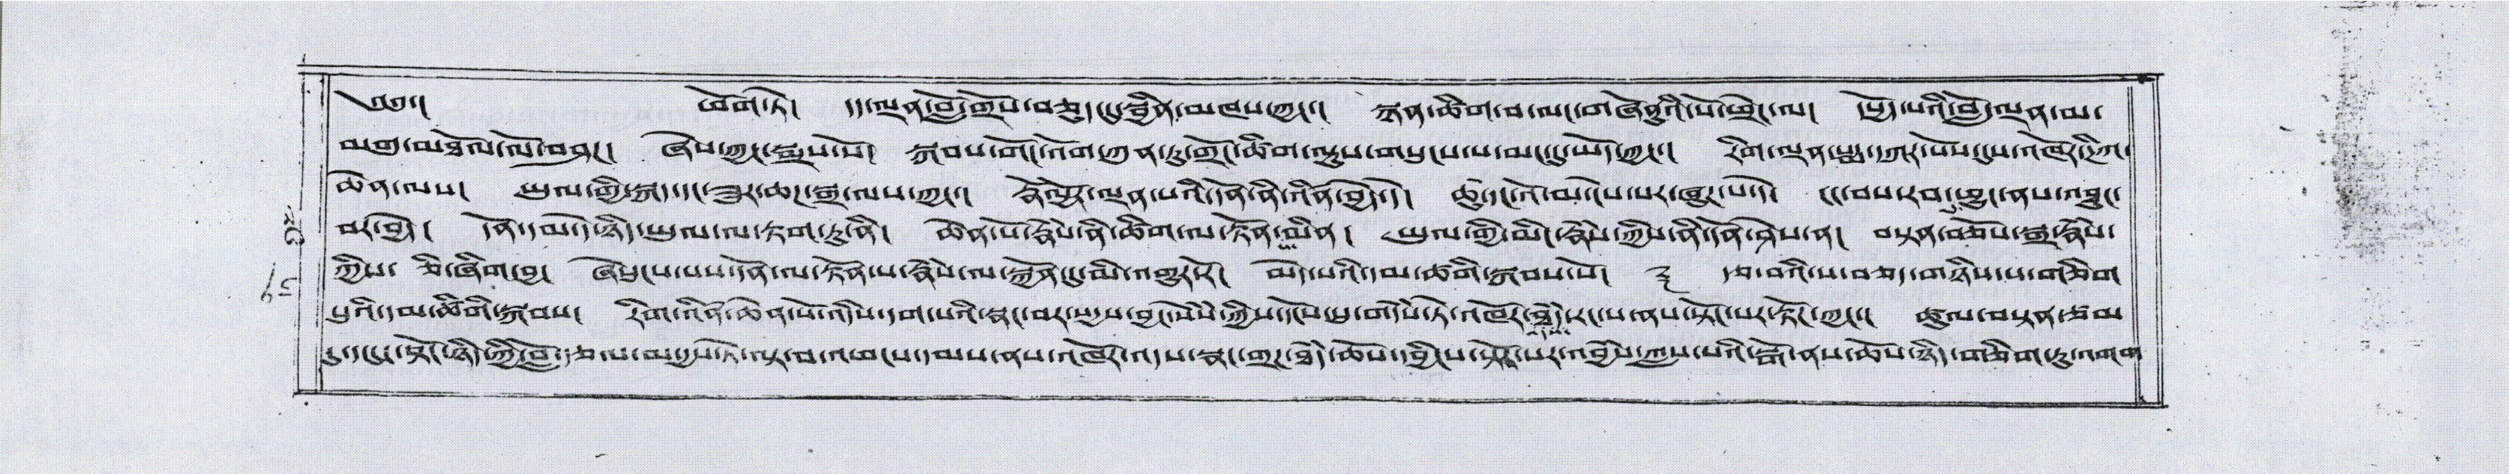ཕོག་ཏེ། དད་ལྡན་བློ་གྲོས་བཅུད་དུ་སྦྱིན་མཁས་ཀྱང། སྙན་ཚིག་བ་ལང་གཞོན་ནུའི་སོ་ཕྲེང་ལ། དཔྱོད་པའི་བློ་ལྡན་མ་
མགུ་མཐོལ་ལོ་བཤགས། ཞེས་ཀྱང་སྨྲས་སོ། སྐབས་གོང་འོག་ཀུན་ཏུ་གྲོང་ཚིག་ལྟ་བུས་གསུངས་པ་མང་དུ་ཡོད་ཀྱང། རིག་ལྡན་པདྨ་དཀར་པོས་དུས་འཁོར་ཌིཀ་
ཆེན་ལས། ཡུལ་གྱི་སྐད་དང་ཟུར་ཆགས་སྒྲ་ལས་ཀྱང། རྣལ་འབྱོར་ལྡན་པའི་དོན་ནི་འཛིན་བྱེད་དེ། ཆུ་དང་འོ་མ་ངེས་པར་ཞུགས་པ་དེ། ངང་བས་རབ་དུ་ཕྱུང་ནས་འཐུང་
བར་བྱེད། དོན་དམ་དེ་ཉིད་ཡུལ་ལ་རྟག་ཏུ་ནི། ཆེན་པོ་རྣམས་ནི་ཚིག་ལ་རྟོན་པ་མིན། ཡུལ་གྱི་མིང་རྣམས་ཀྱིས་ནི་དོན་ཤེས་ན། བསྟན་བཅོས་སྒྲ་རྣམས་
ཀྱིས། ཅི་ཞིག་བྱ། ཞེས་གསུངས་པས་དོན་ལ་རྟོན་པ་རྣམས་ལ་སྐྱོན་དུ་མི་འགྱུར་རོ། མེད་པའི་དམ་ཚིག་སྐབས་སོ། ༑ རྩ་བའི་ས་བཅད་གཉིས་པ་གཅིག་
པུའི་དམ་ཚིག་གི་སྐབས། རིག་འཛིན་ཆེན་པོ་འདིས་དག་པའི་སྣང་བར་སངས་རྒྱས་བྱང་སེམས་ཀྱིས་དངོས་སུ་གདམས་ཏེ་འཁོར་འདས་ཐམས་ཅད་རང་ས་ནས་སྟོང་པར་རྟོགས་ཀྱང། ཚུལ་བསྟན་ཙམ་
དུ་ད་དུང་སྟོང་ཉིད་ཀྱི་བློ་རྩལ་མ་རྒྱས་ཏེ་ལྟ་བ་འཕངས་དམས་ནས་འཁོར་འདས་སྣང་གྲགས་ཐམས་ཅད་ཆོས་དབྱིངས་སྟོང་པར་འབྱམས་ཀླས་པའི་སྒོ་ནས་ཆོས་ཉིད་གཅིག་ཏུ་འགག་